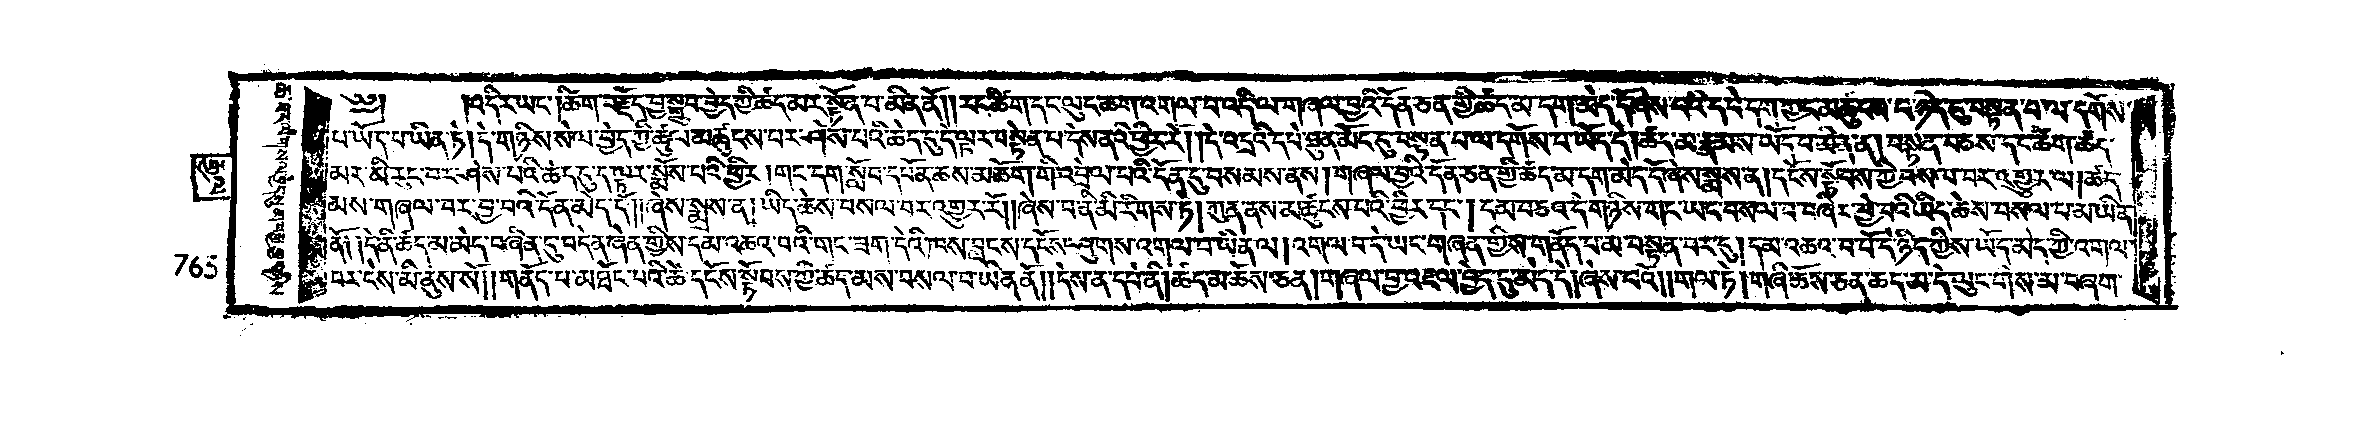༄༅། །འདིར་ཡང་། ཚིག་བརྗོད་བྱ་སྒྲུབ་བྱེད་ཀྱི་ཚད་མར་སྟོན་པ་མིན་ནོ། །རང་ཚིག་དང་ལུང་ཆག་འགལ་བ་འདི་ལ་གཞལ་བྱའི་དོན་ཅན་གྱི་ཚད་མ་དག་མེད་དོ་ཞེས་བའི་དཔེ་དག་ཀྱང་མཚུངས་བ་ཉིད་དུ་བསྟན་པ་ལ་དགོས་
པ་ཡོད་པ་ཡིན་ཏེ། དེ་གཉིས་སེལ་བྱེད་ཀྱི་ཚུལ་མཚུངས་པར་ཤེས་པའི་ཆེད་དུ་དེ་ལྟར་བསྟེན་པ་དེས་ནའི་ཕྱིར་རོ། །དེ་འདྲའི་དཔེ་ཐུན་མོང་དུ་བསྟན་པ་ལ་དགོས་པ་ཡོད་དེ། ཚད་མ་རྣམས་ཡོད་པ་མིན་ན། བསྟན་བཅས་དང་ཚིག་ཚད་
མར་མི་རུང་བར་ཤེས་པའི་ཆེད་དུ་དེ་ལྟར་སྨོས་པའི་ཕྱིར། གང་དག་སློབ་དཔོན་ཆོས་མཆོག་གི་འབྲེལ་བའི་དོན་དུ་བསམས་ནས། གཞལ་བྱའི་དོན་ཅན་གྱི་ཚད་མ་དག་མེད་དོ་ཞེས་སྨས་ན། དངོས་སྟོབས་ཀྱི་བསལ་བར་འགྱུར་ལ། ཚད་
མས་གཞལ་བར་བྱ་བའི་དོན་མེད་དོ། །ཞེས་སྨྲས་ན། ཡིད་ཆེས་བསལ་བར་འགྱུར་རོ། །ཞེས་པ་ནི་མི་རིགས་ཏེ། ཀུན་ནས་མཚུངས་པའི་ཕྱིར་དང་། དམ་བཅའ་དེ་གཉིས་གང་ཡང་བསལ་བ་བཞིར་བྱེ་བའི་ཡིད་ཆེས་བསལ་བ་མ་ཡིན་
ནོ། །དེ་ནི་ཚད་མ་མེད་བཞིན་དུ་བདེན་ཞེན་གྱིས་དམ་འཆའ་བའི་གང་ཟག་དེའི་ཁས་བླངས་དངོས་ཤུགས་འགལ་བ་ཡིན་ལ། འགལ་བ་དེ་ཡང་གཞན་གྱིས་གནོད་པ་མ་བསྟན་བར་དུ། དམ་འཆའ་བ་པོ་དེ་ཉིད་ཀྱིས་ཡོད་མེད་ཀྱི་འགལ་
པར་ངེས་མི་ནུས་སོ། །གནོད་པ་མཐོང་བའི་ཚེ་དངོས་སྟོབས་ཀྱི་ཚད་མས་བསལ་བ་ཡིན་ནོ། །དེས་ན་དཔེ་ནི། ཚད་མ་ཆོས་ཅན། གཞལ་བྱ་འཇལ་བྱེད་དུ་མེད་དེ། ཞེས་པའོ། །གལ་ཏེ། གཞི་ཆོས་ཅན་ཚད་མ་དེ་ལུང་གིས་མ་བཞག་